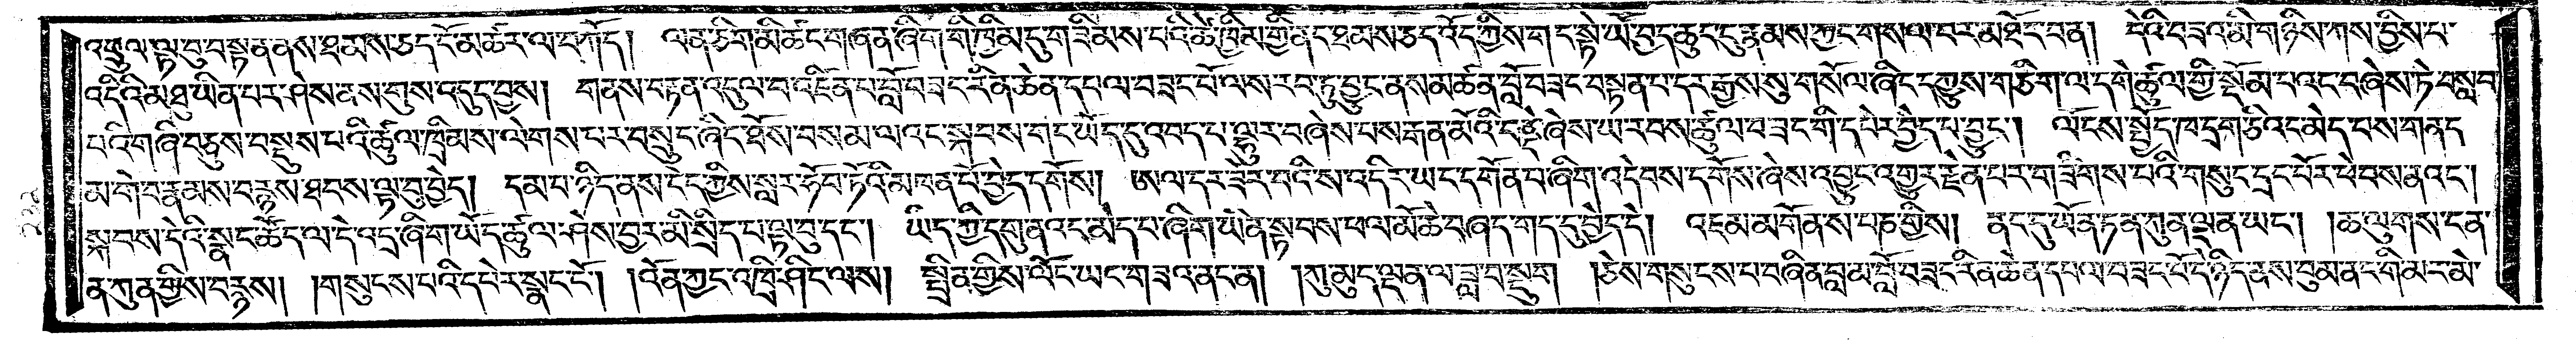འཕྲུལ་ལྟ་བུ་བསྟན་ནས་ཐམས་ཅད་ངོ་མཚར་ལ་བཀོད། ལན་ཅིག་མི་ཚང་གཞན་ཞིག་གི་ཁྱིམ་དུ་གཟིམས་པའི་ཚེ་ཁྱིམ་གྱི་ནང་ཐམས་ཅད་འོད་ཀྱིས་གང་སྟེ་ཡོ་བྱང་ཆུབ་དུ་རྣམས་ཀྱང་གསལ་བར་མཐོང་བ་ན། དེའི་བཟའ་མི་གཉིས་ཀས་བྱིས་པ་
འདིའི་མཐུ་ཡིན་པར་ཤེས་ནས་གུས་འདུད་བྱས། གནས་བརྟན་འདུལ་བ་འཛིན་པ་བློ་བཟང་རིན་ཆེན་དཔལ་བཟང་པོ་ལས་རབ་ཏུ་བྱུང་ནས་མཚན་བློ་བཟང་བསྟན་པ་དར་རྒྱས་སུ་གསོལ་ཞིང་དཀྱུས་གཅིག་ལ་དགེ་ཚུལ་གྱི་སྡོམ་པའང་བཞེས་ཏེ་བསླབ་
པའི་གཞི་བཅུས་བསྡུས་པའི་ཚུལ་ཁྲིམས་ལེགས་བར་བསྲུང་ཞིང་ཐོས་བསམ་ལའང་སྐབས་གང་ཡོད་དུ་འབད་པ་ལྷུར་བཞེས་པས་རྒན་མོའི་བ་དེ་ཞེས་ཡ་རབས་ཚུལ་བཟང་གི་དཔེར་བྱེད་པ་བྱུང་། ལོངས་སྤྱོད་ཁ་དྲག་ཅིའང་མེད་པས་གནད་
མ་གོ་བ་རྣམས་བརྙས་ཐབས་ལྟ་བུ་བྱེད། དམ་པ་ཉིད་ནས་ངེད་ཀྱིས་སླར་ཧོབ་ཏོའི་མཁན་པོ་བྱེད་དགོས། ཨར་དར་ཟེར་བའི་ས་འདིར་ཡང་དགོན་བ་ཞིག་འདེབས་དགོས་ཞེས་འབྱུང་འགྱུར་རྗེན་པར་གཟིགས་པའི་གསུང་དྲང་པོར་ཕེབས་ནའང་།
སྐབས་དེའི་སྣང་ཚོད་ལ་དེ་འདྲ་ཞིག་ཡོད་ཚུལ་ཤེས་བྱར་མི་སྲིད་པ་ལྟ་བུ་དང་། ཡིད་ཀྱི་དགུ་ནའང་མེད་པ་ཞིག་ཡིན་སྟབས་ཕལ་མོ་ཆེ་བཞད་གད་དུ་བྱེད་དེ། འཇམ་མགོན་ས་པཎ་གྱིས། ནང་དུ་ཡོན་ཏན་ཀུན་ལྡན་ཡང་། །ཆ་ལུགས་ངན་
ན་ཀུན་གྱིས་བརྙས། །གསུངས་པའི་དཔེར་སྣང་ངོ། །འོན་ཀྱང་འཁྲི་ཤིང་ལས། སྤྲིན་གྱིས་ལོང་ཡང་གཟའ་ནང་ན། །ཀུ་མུད་ལྡན་ལ་ཟླ་བ་སྡུག །ཅེས་གསུངས་པ་བཞིན་བླ་མ་བློ་བཟང་རིན་ཆེན་དཔལ་བཟང་པོ་དེ་ཉིད་ནས་བུམ་ནང་གི་མར་མེ་